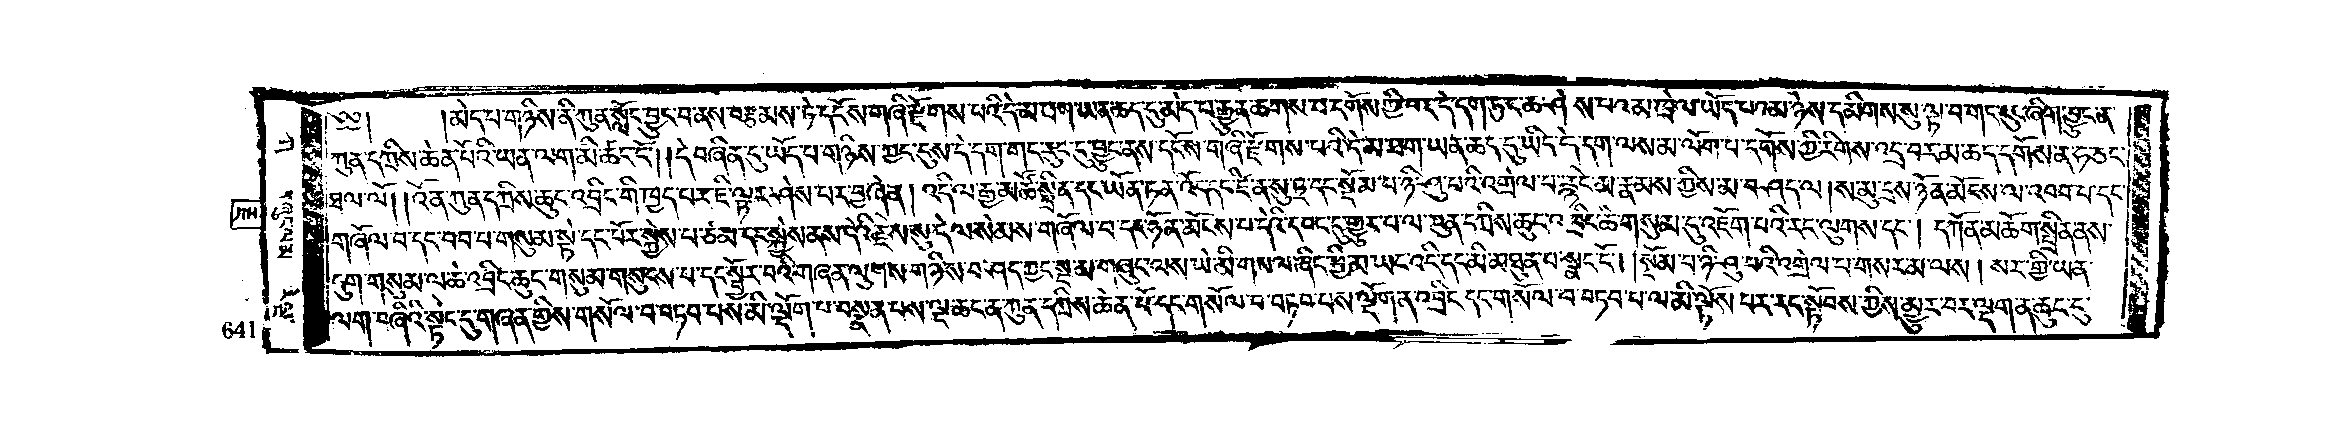༄༅། །མེད་པ་གཉིས་ནི་ཀུན་སློང་བྱུང་བ་ནས་བརྩམས་ཏེ་དངོས་གཞི་རྫོགས་པའི་དེ་མ་ཐག་ཡན་ཆད་དུ་མེད་པ་རྒྱུན་ཆགས་པ་དགོས་ཀྱི་བར་དེ་དག་ཏུ་ངོ་ཚ་ཤེས་པའམ་ཁྲེལ་ཡོད་པའམ་ཉེས་དམིགས་སུ་ལྟ་བ་གང་རུང་ཞིག་བྱུང་ན་
ཀུན་དཀྲིས་ཆེན་པོའི་ཡན་ལག་མི་ཚང་ངོ། །དེ་བཞིན་དུ་ཡོད་པ་གཉིས་ཀྱང་དུས་དེ་དག་གང་རུང་དུ་བྱུང་ནས་དངོས་གཞི་རྫོགས་པའི་དེ་མ་ཐག་ཡན་ཆད་དུ་ཡིད་དེ་དག་ལས་མ་ལོག་པ་དགོས་ཀྱི་རིགས་འདྲ་བར་མ་ཆད་དགོས་ན་ཧ་ཅང་
ཐལ་ལོ། །འོ་ན་ཀུན་དཀྲིས་ཆུང་འབྲིང་གི་ཁྱད་པར་ཇི་ལྟར་ཤེས་པར་བྱ་ཞེ་ན། འདི་ལ་རྒྱ་མཚོ་སྤྲིན་དང་ཡོན་ཏན་འོད་དང་ཛི་ན་སུ་ཏྲ་དང་སྡོམ་པ་ཉི་ཤུ་པའི་འགྲེལ་པ་རྙིང་མ་རྣམས་ཀྱིས་མ་བཤད་ལ། ས་མུ་དྲས་ཉོན་མོངས་ལ་འབབ་པ་དང་
གཞོལ་བ་དང་བབ་པ་གསུམ་སྟེ་དང་པོར་སྐྱེས་པ་ཙམ་དང་སྐྱེས་ནས་དེའི་རྗེས་སུ་དེ་ལ་སེམས་གཞོལ་བ་དང་ཉོན་མོངས་པ་དེའི་དབང་དུ་གྱུར་པ་ལ་བུན་?་དཀྲིས་ཆུང་འབྲིང་ཆེ་གསུམ་དུ་འཇོག་པའི་རང་ལུགས་དང་། དཀོན་མཆོག་སྤྲིན་ནས་
དུག་གསུམ་ལ་ཆེ་འབྲིང་ཆུང་གསུམ་གསུངས་པ་དང་སྦྱོར་བའི་གཞན་ལུགས་གཉིས་བཤད་ཀྱང་སྔ་མ་གཞུང་ལས་ཡེ་མི་གསལ་ཞིང་ཕྱི་མ་ཡང་འདི་དང་མི་མཐུན་པ་སྣང་ངོ། །སྡོམ་པ་ཉི་ཤུ་པའི་འགྲེལ་པ་གསར་མ་ལས། སར་གྱི་ཡན་
ལག་བཞིའི་སྟེང་དུ་གཞན་གྱིས་གསོལ་བ་བཏབ་པས་མི་ལྡོག་པ་བསྣན་པས་ལྔ་ཆང་ན་ཀུན་དཀྲིས་ཆེན་པོ་དང་གསོལ་བ་བཏབ་པས་ལྡོག་ན་འབྲིང་དང་གསོལ་བ་བཏབ་པ་ལ་མི་ལྟོས་པར་རང་སྟོབས་ཀྱིས་མྱུར་བར་ལྡོག་ན་ཆུང་ངུ་